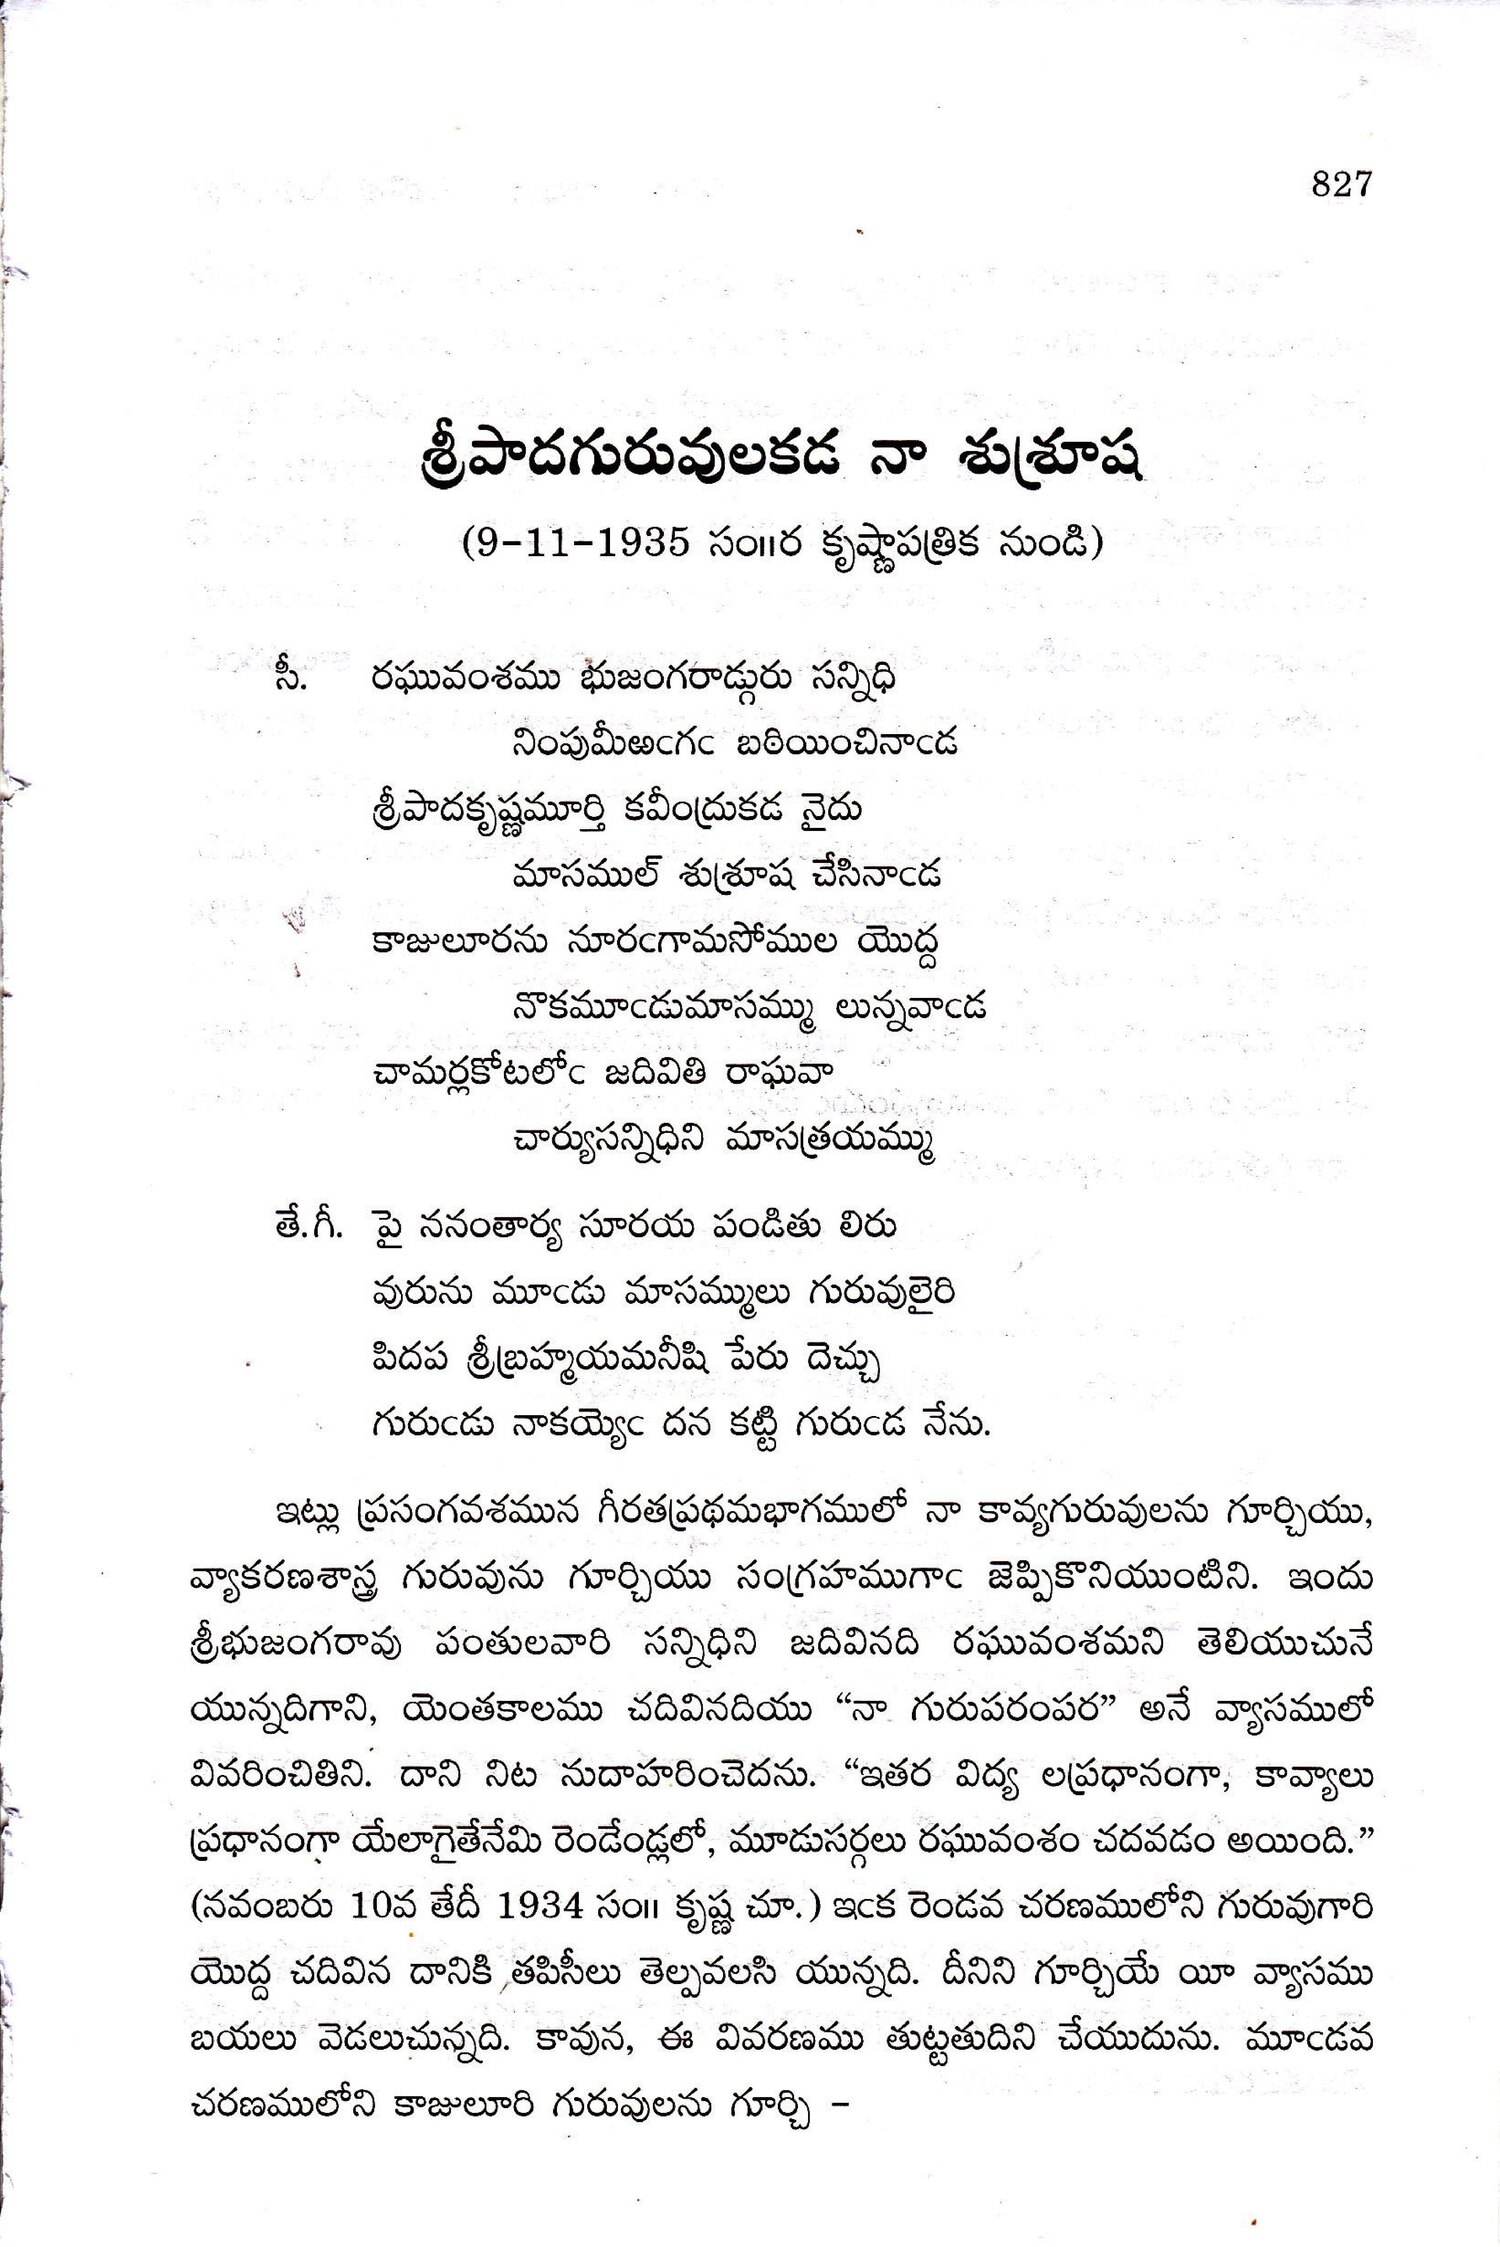శ్రీపాదగురువులకడ నా శుశ్రూష
(9-11-1935 సం||ర కృష్ణాపత్రిక నుండి)

సీ. రఘువంశము భుజంగరాడ్గురు సన్నిధి
 నింపుమీఱఁగఁ బఠియించినాఁడ 
 శ్రీపాదకృష్ణమూర్తి కవీంద్రుకడ నైదు
 మాసముల్ శుశ్రూష చేసినాఁడ 
 కాజులూరను నూరఁగామసోముల యొద్ద
 నొకమూఁడుమాసమ్ము లున్నవాఁడ 
 చామర్లకోటలోఁ జదివితి రాఘవా
 చార్యసన్నిధిని మాసత్రయమ్ము

తే.గీ. పై ననంతార్య సూరయ పండితు లిరు
 వురును మూఁడు మాసమ్ములు గురువులైరి 
 పిదప శ్రీబ్రహ్మయమనీషి పేరు దెచ్చు
 గురుఁడు నాకయ్యెఁ దన కట్టి గురుఁడ నేను.
ఇట్లు ప్రసంగవశమున గీరతప్రథమభాగములో నా కావ్యగురువులను గూర్చియు, వ్యాకరణశాస్త్ర గురువును గూర్చియు సంగ్రహముగాఁ జెప్పికొనియుంటిని. ఇందు శ్రీభుజంగరావు పంతులవారి సన్నిధిని జదివినది రఘువంశమని తెలియుచునే యున్నదిగాని, యెంతకాలము చదివినదియు "నా గురుపరంపర" అనే వ్యాసములో
వివరించితిని. దాని నిట నుదాహరించెదను. "ఇతర విద్య లప్రధానంగా, కావ్యాలు ప్రధానంగా యేలాగైతేనేమి రెండేండ్లలో, మూడుసర్గలు రఘువంశం చదవడం అయింది." (నవంబరు 10వ తేదీ 1934 సం|| కృష్ణ చూ.) ఇఁక రెండవ చరణములోని గురువుగారి యొద్ద చదివిన దానికి తపిసీలు తెల్పవలసి యున్నది. దీనిని గూర్చియే యీ వ్యాసము బయలు వెడలుచున్నది. కావున, ఈ వివరణము తుట్టతుదిని చేయుదును. మూఁడవ చరణములోని కాజులూరి గురువులను గూర్చి -